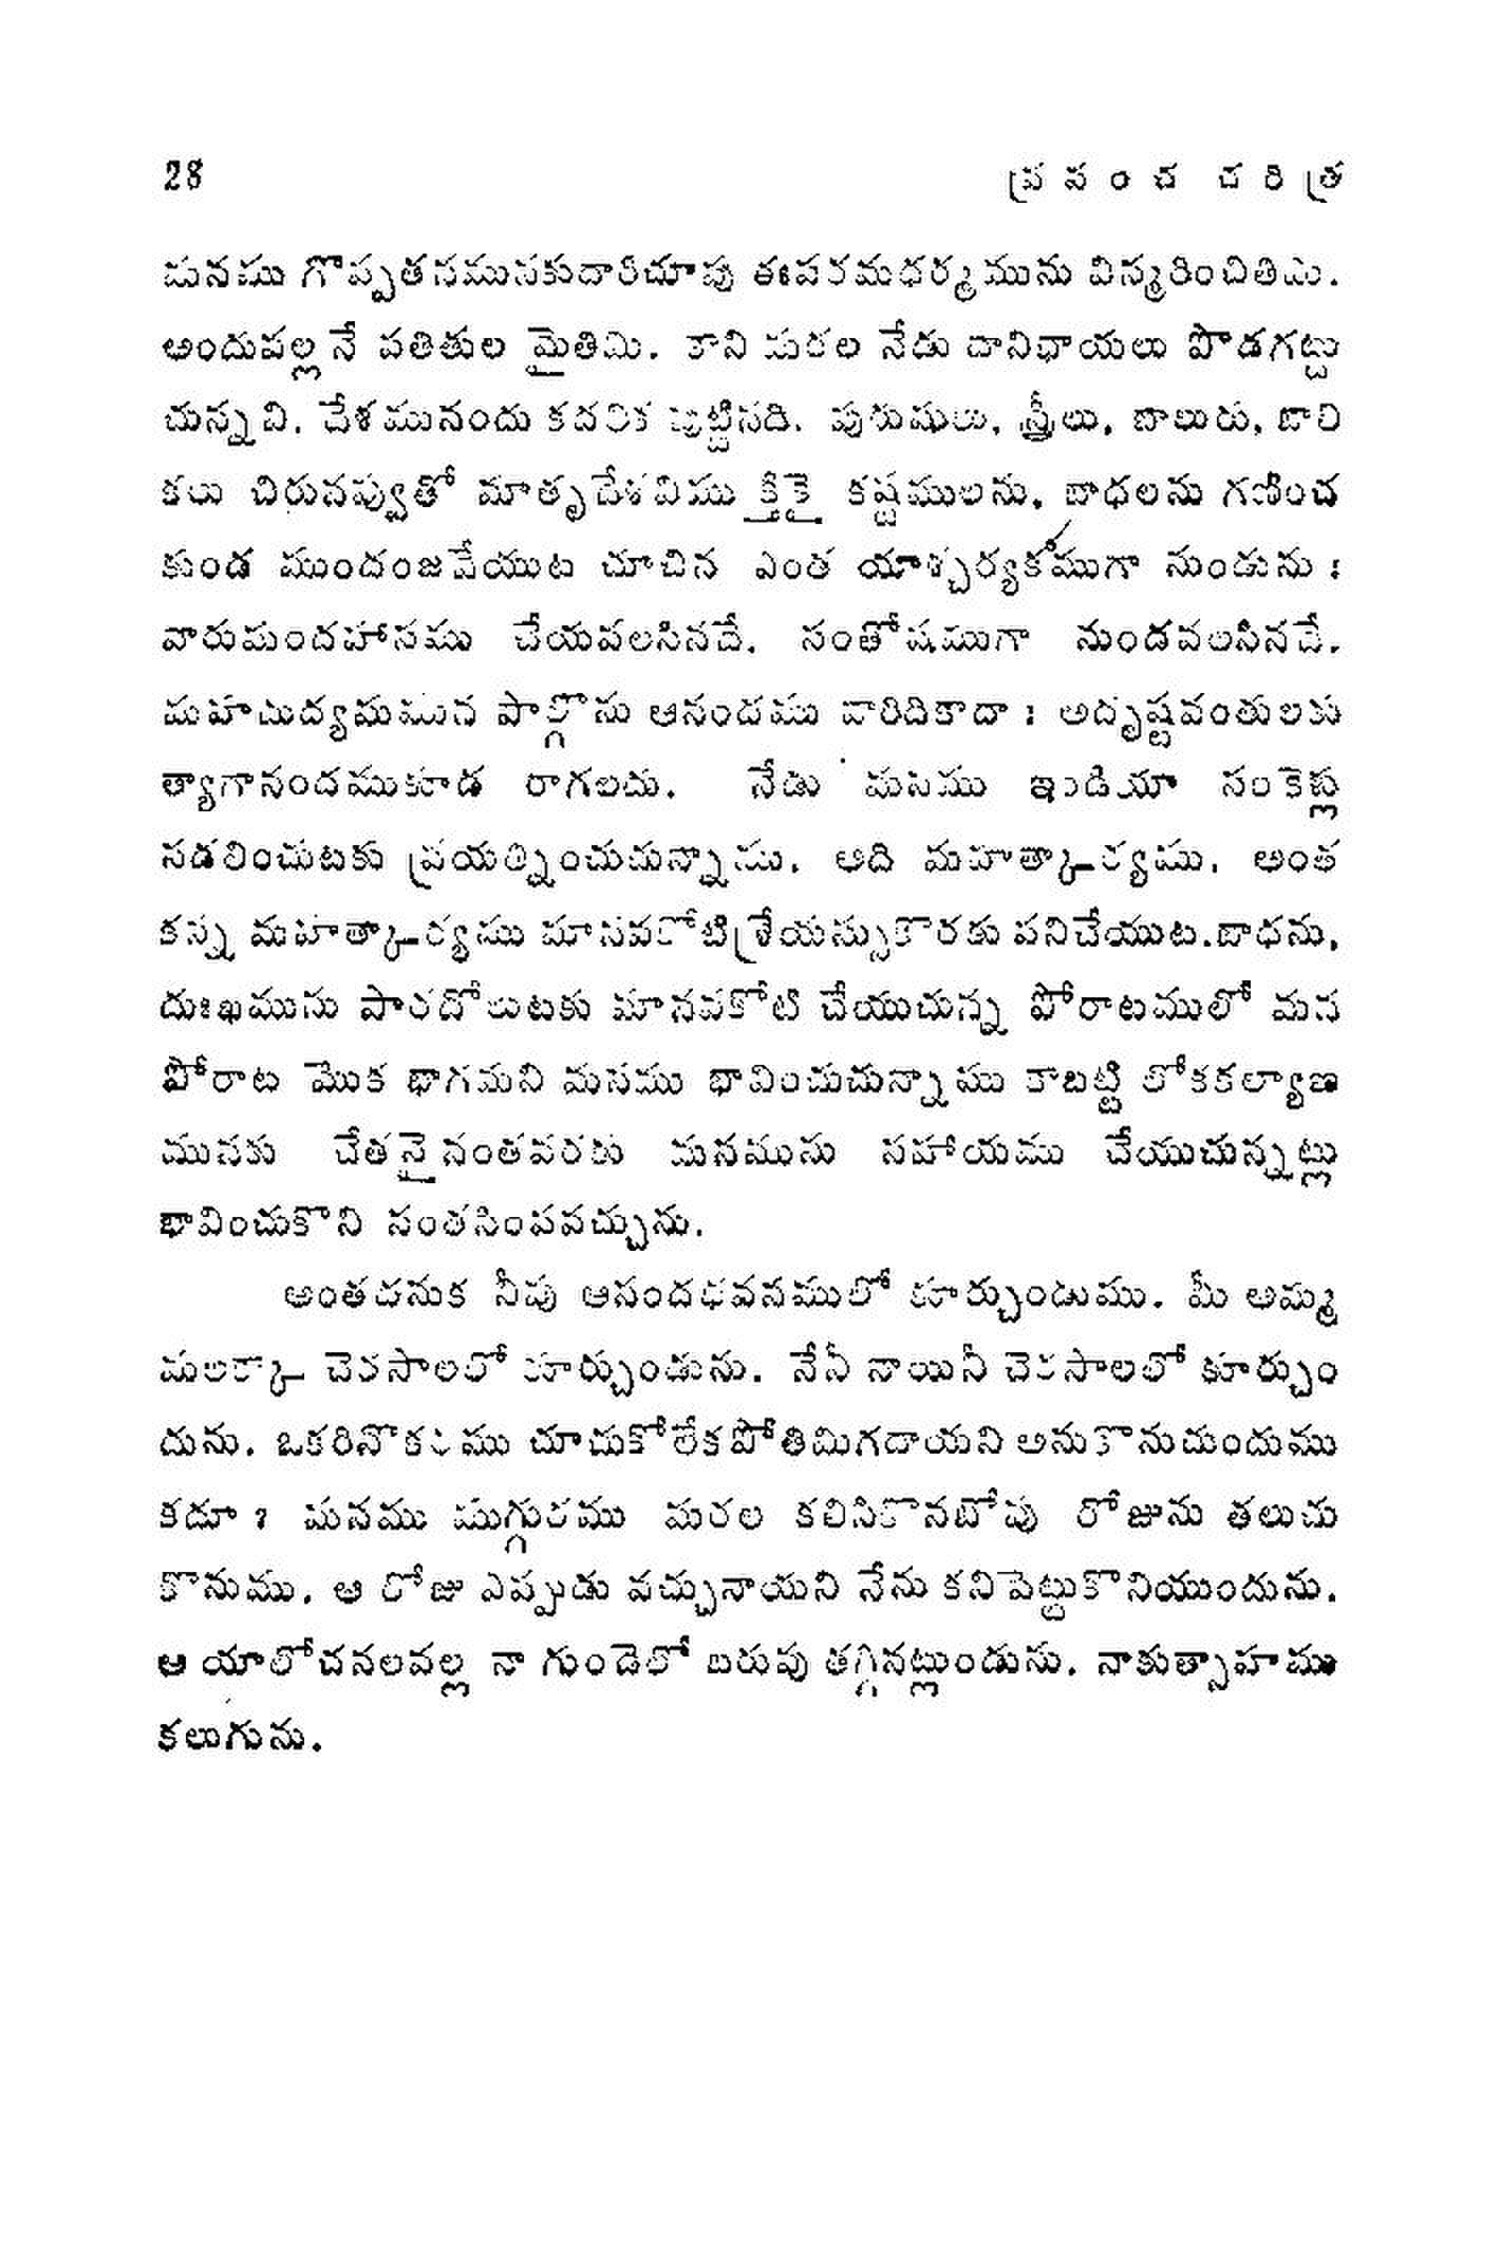మనము గొప్పతనమునకుదారిచూపు ఈపరమధర్మమును విస్మరించితిమి. అందువల్లనే పతితుల మైతిమి. కాని మరల నేడు దానిఛాయలు పొడగట్టు చుస్నవి. దేశమునందు కదలిక పుట్టినది. పురుషులు, స్త్రీలు, బాలురు, జాలికలు చిరునవ్వుతో మాతృదేశవిముక్తికై కష్టములను, బాధలను గణించ కుండ ముందంజవేయుట చూచిన ఎంత యాశ్చర్యకముగా నుండును ! వారుమందహాసము చేయవలసినదే. సంతోషముగా నుండవలసినదే. మహదుద్యమమున పాల్గొను ఆనందము వారిదికాదా ! అదృష్టవంతులకు త్యాగానందముకూడ రాగలదు. నేడు మనము ఇండియా సంకెళ్లు సడలించుటకు ప్రయత్నించుచున్నాము. అది మహత్కార్యము. అంత కన్న మహత్కార్యము మానవకోటి శ్రేయస్సుకొరకు పనిచేయుట. బాధను, దుఃఖమును పారదోలుటకు మానవకోటి చేయుచున్న పోరాటములో మన పోరాట మొక భాగమని మనము భావించుచున్నాము కాబట్టి లోకకల్యాణమునకు చేతనైనంతవరకు మనమును సహాయము చేయుచున్నట్లు భావించుకొని సంతసింపవచ్చును.

అంతదనుక నీవు ఆసందభవనములో కూర్చుండుము. మీ అమ్మ మలక్కా చెరసాలలో కూర్చుండును. నేనీ నాయినీ చెరసాలలో కూర్చుందును. ఒకరినొకరము చూచుకోలేకపోతిమిగదాయని అనుకొనుచుందుము కదూ? మనము ముగ్గురము మరల కలిసికొనబోవు రోజును తలుచుకొనుము. ఆ రోజు ఎప్పుడు వచ్చునాయని నేను కనిపెట్టుకొని యుందును. ఆ యాలోచనలవల్ల నా గుండెలో బరువు తగ్గినట్లుండును. నాకుత్సాహము కలుగును.